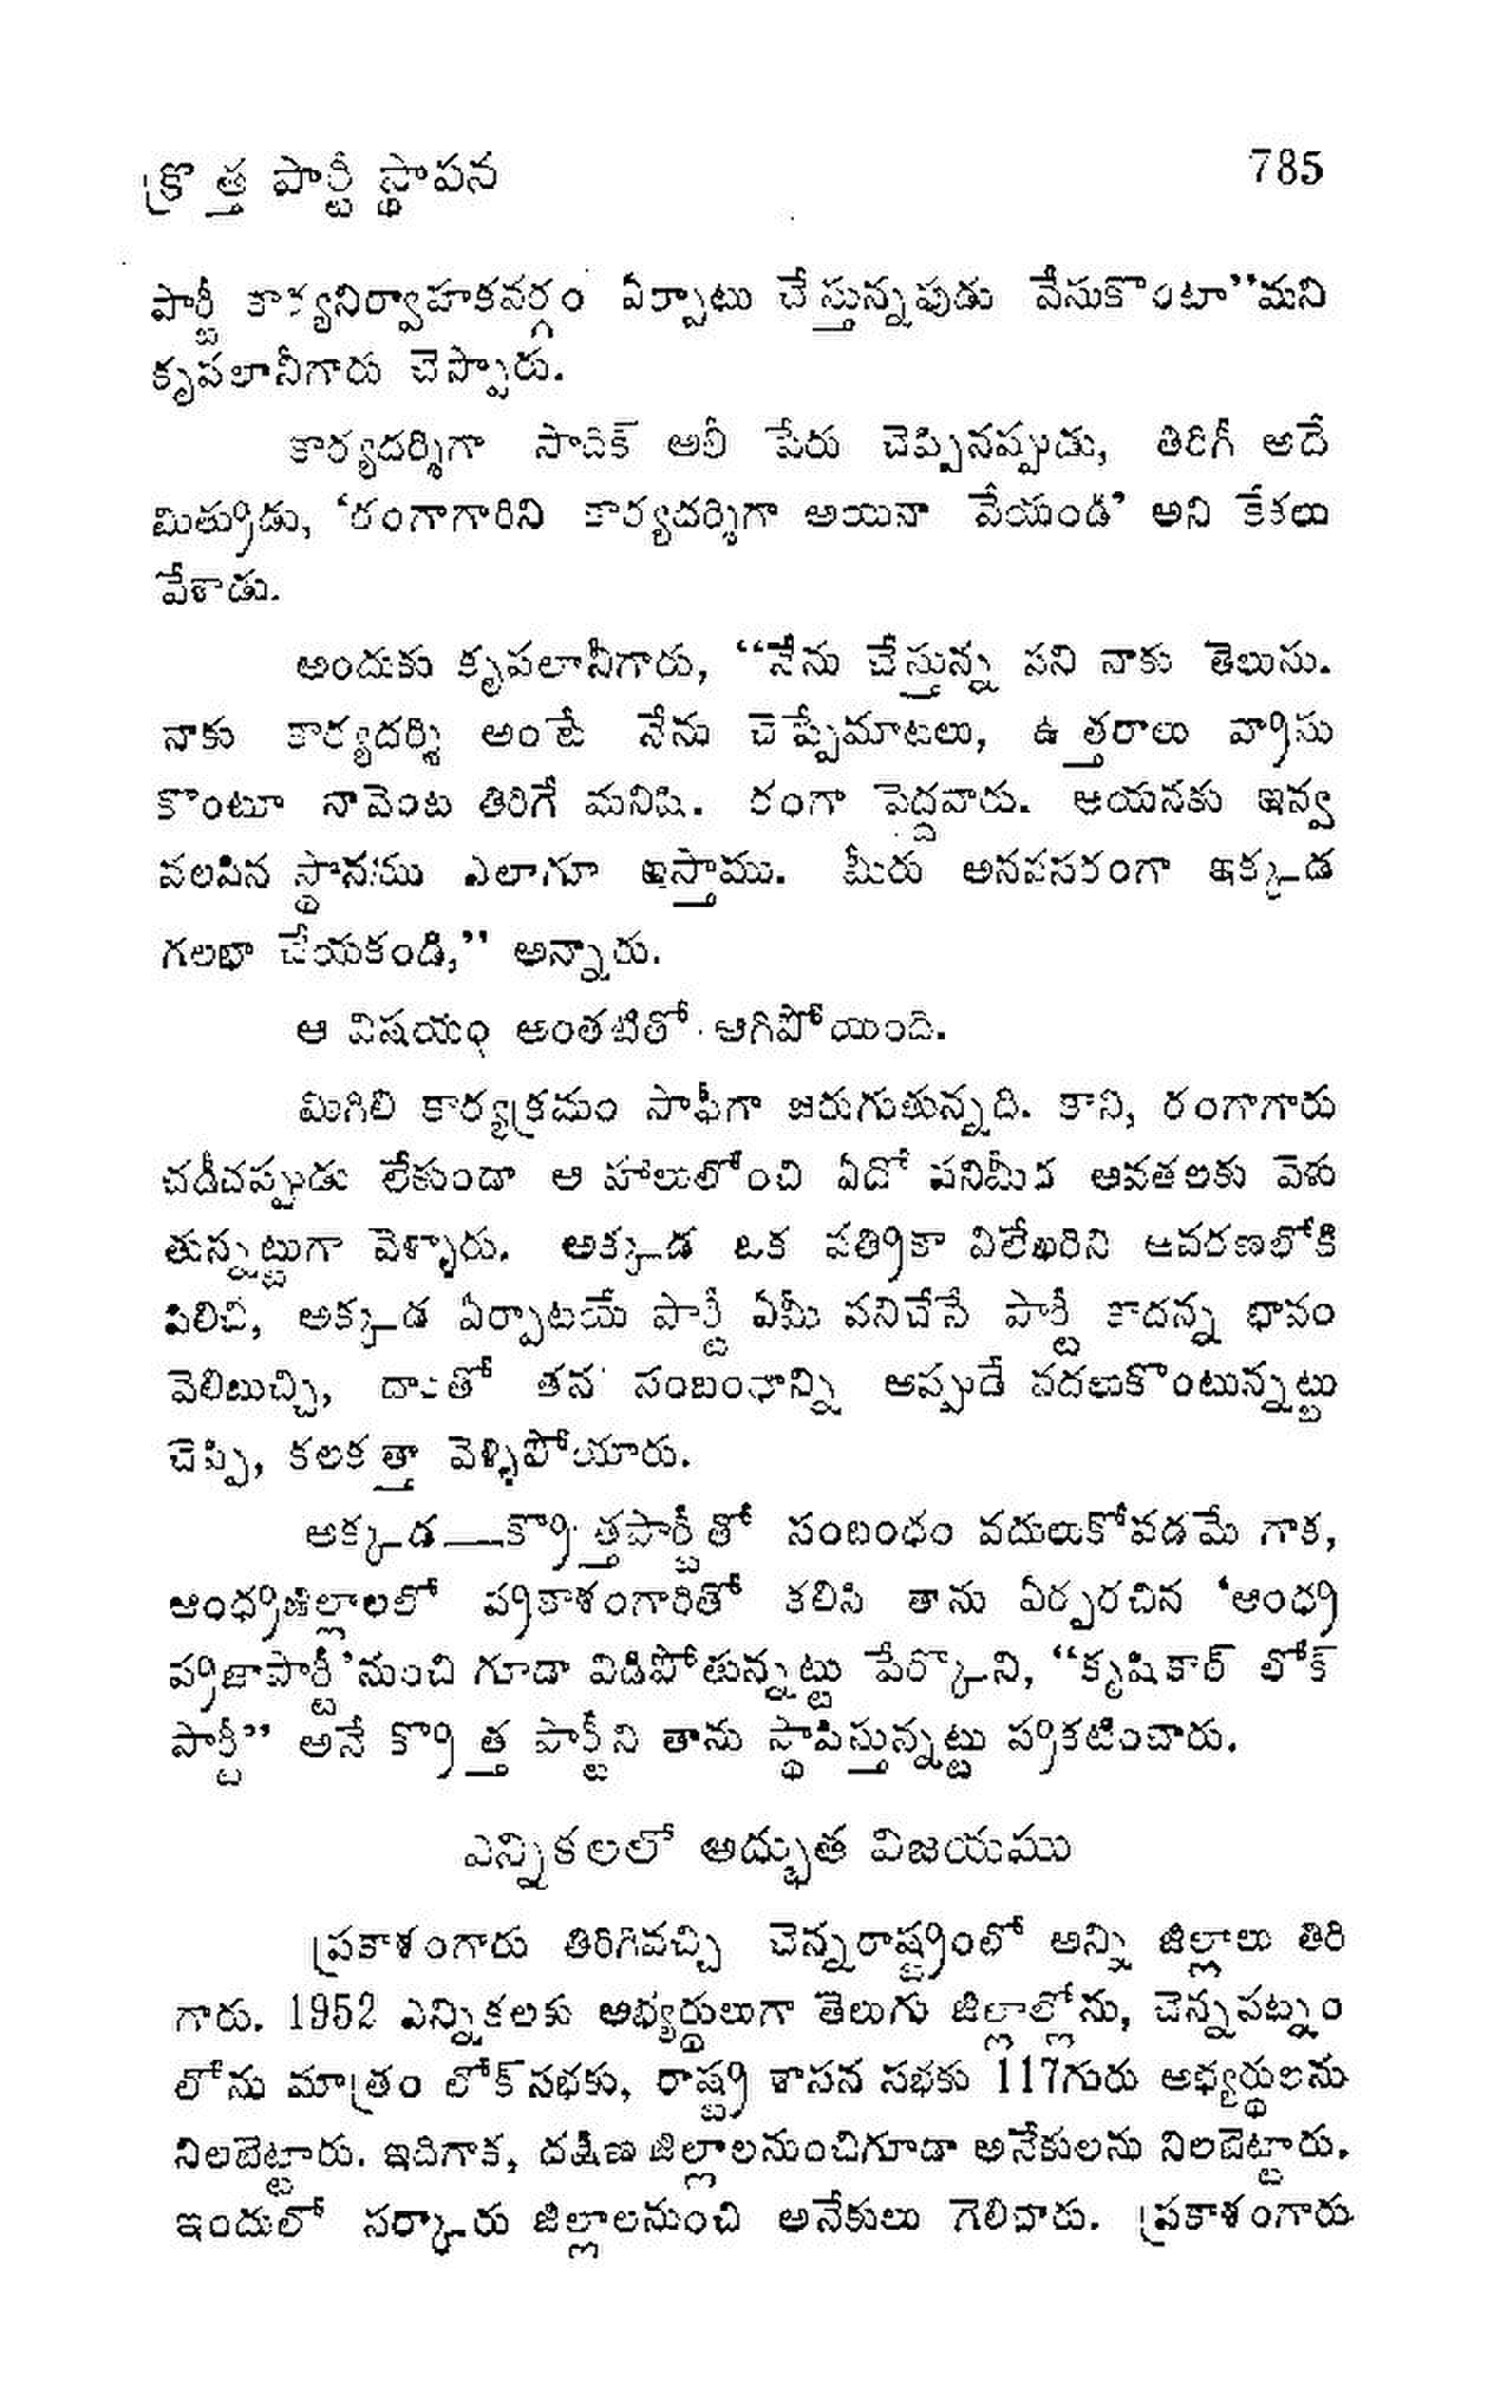పార్టీ కార్యనిర్వాహకవర్గం ఏర్పాటు చేస్తున్నపుడు వేసుకొంటా"మని కృపలానీగారు చెప్పారు.

కార్యదర్శిగా సాదిక్ అలీ పేరు చెప్పినప్పుడు, తిరిగీ అదేమిత్రుడు, 'రంగాగారిని కార్యదర్శిగా అయినా వేయండి' అని కేకలు వేశాడు.

అందుకు కృపలానీగారు, "నేను చేస్తున్న పని నాకు తెలుసు. నాకు కార్యదర్శి అంటే నేను చెప్పేమాటలు, ఉత్తరాలు వ్రాసుకొంటూ నావెంట తిరిగే మనిషి. రంగా పెద్దవారు. ఆయనకు ఇవ్వవలసిన స్థానము ఎలాగూ ఇస్తాము. మీరు అనవసరంగా ఇక్కడ గలభా చేయకండి," అన్నారు.

ఆ విషయం అంతటితో ఆగిపోయింది.

మిగిలిన కార్యక్రమం సాఫీగా జరుగుతున్నది. కాని, రంగాగారు చడీచప్పుడు లేకుండా ఆ హాలులోంచి ఏదో పనిమీద అవతలకు వెళుతున్నట్టుగా వెళ్ళారు. అక్కడ ఒక పత్రికా విలేఖరిని ఆవరణలోకి పిలిచి, అక్కడ ఏర్పాటయే పార్టీ ఏమీ పనిచేసే పార్టీ కాదన్న భావం వెలిబుచ్చి, దాంతో తన సంబంధాన్ని అప్పుడే వదలుకొంటున్నట్టు చెప్పి, కలకత్తా వెళ్ళిపోయారు.

అక్కడ - క్రొత్తపార్టీతో సంబంధం వదులుకోవడమే గాక, ఆంధ్రజిల్లాలలో ప్రకాశంగారితో కలిసి తాను ఏర్పరచిన 'ఆంధ్ర ప్రజాపార్టీ' నుంచి గూడా విడిపోతున్నట్టు పేర్కొని, "కృషికార్ లోక్‌పార్టీ" అనే క్రొత్త పార్టీని తాను స్థాపిస్తున్నట్టు ప్రకటించారు.

ప్రకాశంగారు తిరిగివచ్చి చెన్నరాష్ట్రంలో అన్ని జిల్లాలు తిరిగారు. 1952 ఎన్నికలకు అభ్యర్థులుగా తెలుగు జిల్లాల్లోను, చెన్నపట్నంలోను మాత్రం లోక్‌సభకు, రాష్ట్ర శాసన సభకు 117 గురు అభ్యర్థులను నిలబెట్టారు. ఇదిగాక, దక్షిణ జిల్లాలనుంచిగూడా అనేకులను నిలబెట్టారు. ఇందులో సర్కారు జిల్లాలనుంచి అనేకులు గెలిచారు. ప్రకాశంగారు